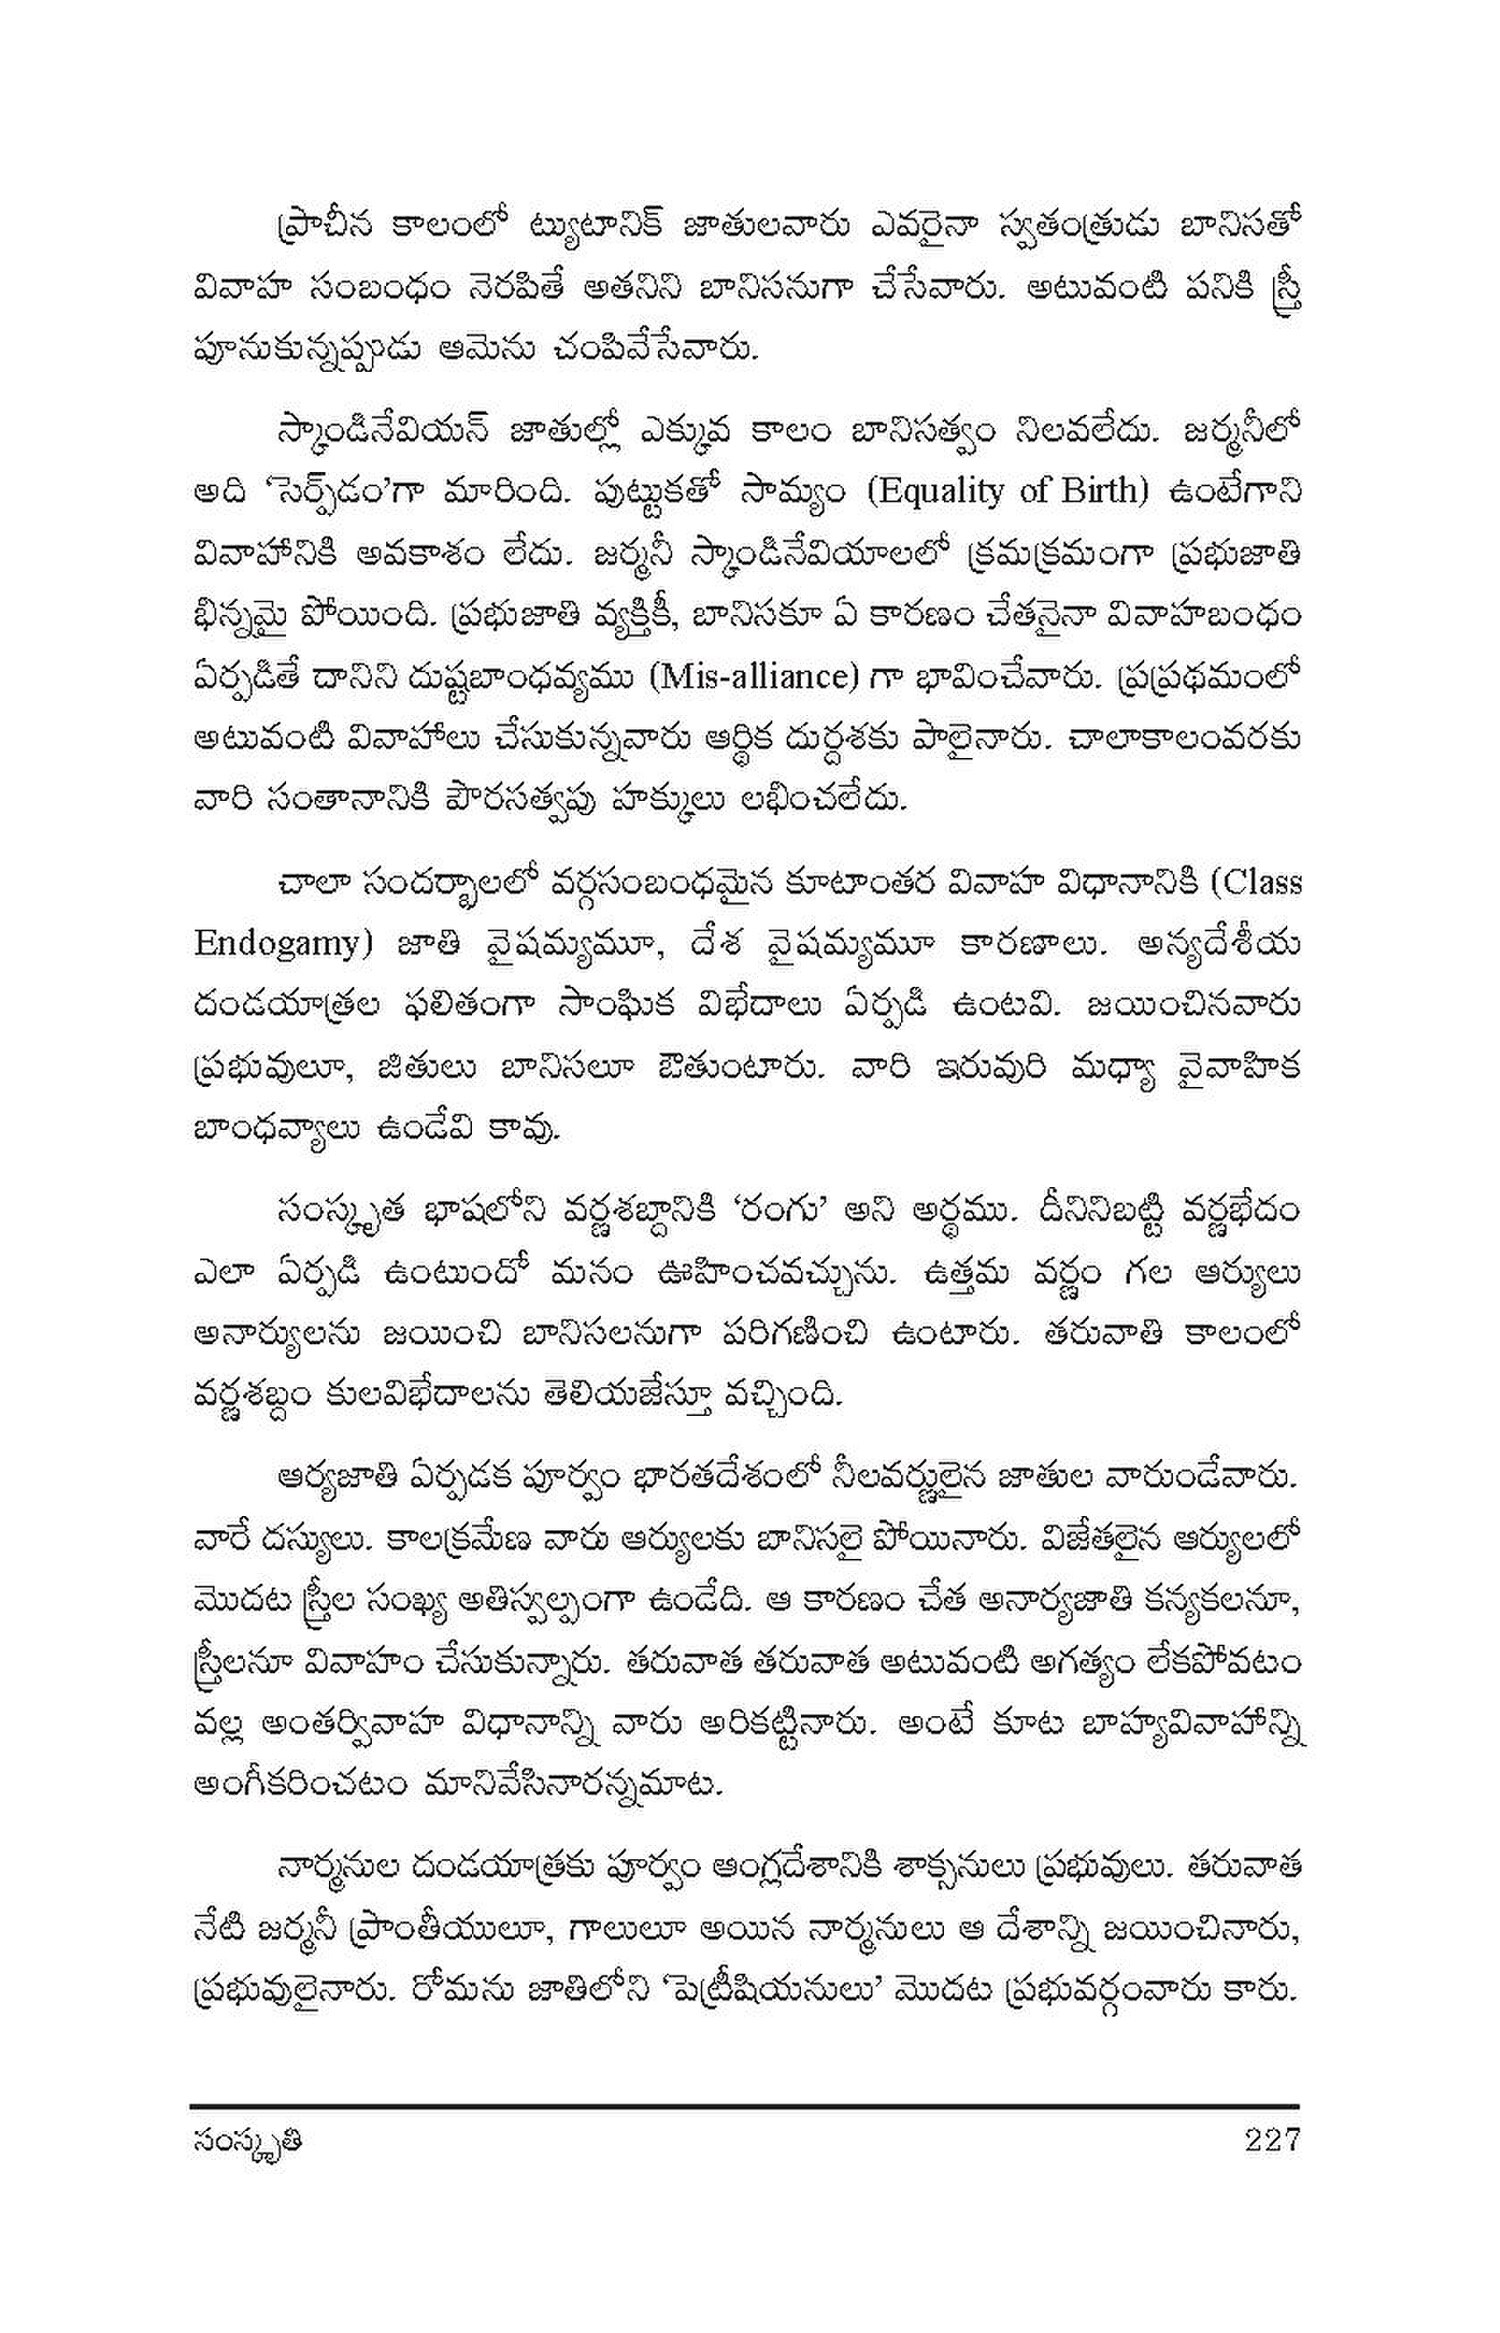ప్రాచీన కాలంలో ట్యుటానిక్ జాతులవారు ఎవరైనా స్వతంత్రుడు బానిసతో
వివాహ సంబంధం నెరపితే అతనిని బానిసనుగా చేసేవారు. అటువంటి పనికి
పూనుకున్నప్పుడు ఆమెను చంపివేసేవారు.

స్కాండినేవియన్ జాతుల్లో ఎక్కువ కాలం బానిసత్వం నిలవలేదు. జర్మనీలో
అది 'సెర్ఫ్ డం గా మారింది. పుట్టుకతో సామ్యం (Equality of Birth) ఉంటేగాని
వివాహానికి అవకాశం లేదు. జర్మనీ స్కాండినేవియాలలో క్రమక్రమంగా ప్రభుజాతి
భిన్నమై పోయింది. ప్రభుజాతి వ్యక్తికీ, బానిసకూ ఏ కారణం చేతనైనా వివాహబంధం
ఏర్పడితే దానిని దుష్టబాంధవ్యము (Mis-alliance) గా భావించేవారు. ప్రప్రథమంలో
అటువంటి వివాహాలు చేసుకున్నవారు ఆర్థిక దుర్దశకు పాలైనారు. చాలాకాలం వరకు
వారి సంతానానికి పౌరసత్వపు హక్కులు లభించలేదు.

చాలా సందర్భాలలో వర్గసంబంధమైన కూటాంతర వివాహ విధానానికి (Class
Endogamy) జాతి వైషమ్యమూ, దేశ వైషమ్యమూ కారణాలు. అన్యదేశీయ
దండయాత్రల ఫలితంగా సాంఘిక విభేదాలు ఏర్పడి ఉంటవి. జయించినవారు
ప్రభువులూ, జితులు బానిసలూ ఔతుంటారు. వారి ఇరువురి మధ్యా వైవాహిక
బాంధవ్యాలు ఉండేవి కావు.

సంస్కృత భాషలోని వర్ణశబ్దానికి 'రంగు' అని అర్ధము. దీనినిబట్టి వర్ణభేదం
ఎలా ఏర్పడి ఉంటుందో మనం ఊహించవచ్చును. ఉత్తమ వర్ణం గల ఆర్యులు
అనార్యులను జయించి బానిసలనుగా పరిగణించి ఉంటారు. తరువాతి కాలంలో
వర్ణశబ్దం కులవిభేదాలను తెలియజేస్తూ వచ్చింది.

ఆర్యజాతి ఏర్పడక పూర్వం భారతదేశంలో నీలవర్ణులైన జాతుల వారుండేవారు.
వారే దస్యులు. కాలక్రమేణ వారు ఆర్యులకు బానిసలై పోయినారు. విజేతలైన ఆర్యులలో
మొదట స్త్రీల సంఖ్య అతిస్వల్పంగా ఉండేది. ఆ కారణం చేత అనార్యజాతి కన్యకలనూ,
స్త్రీలనూ వివాహం చేసుకున్నారు. తరువాత తరువాత అటువంటి అగత్యం లేకపోవటం
వల్ల అంతర్వివాహ విధానాన్ని వారు అరికట్టినారు. అంటే కూట బాహ్యవివాహాన్ని
అంగీకరించటం మానివేసినారన్నమాట.

నార్మనుల దండయాత్రకు పూర్వం ఆంగ్లదేశానికి శాక్సనులు ప్రభువులు. తరువాత
నేటి జర్మనీ ప్రాంతీయులూ, గాలులూ అయిన నార్మనులు ఆ దేశాన్ని జయించినారు,
ప్రభువులైనారు. రోమను జాతిలోని 'పెట్రీషియనులు' మొదట ప్రభువర్గంవారు కారు.